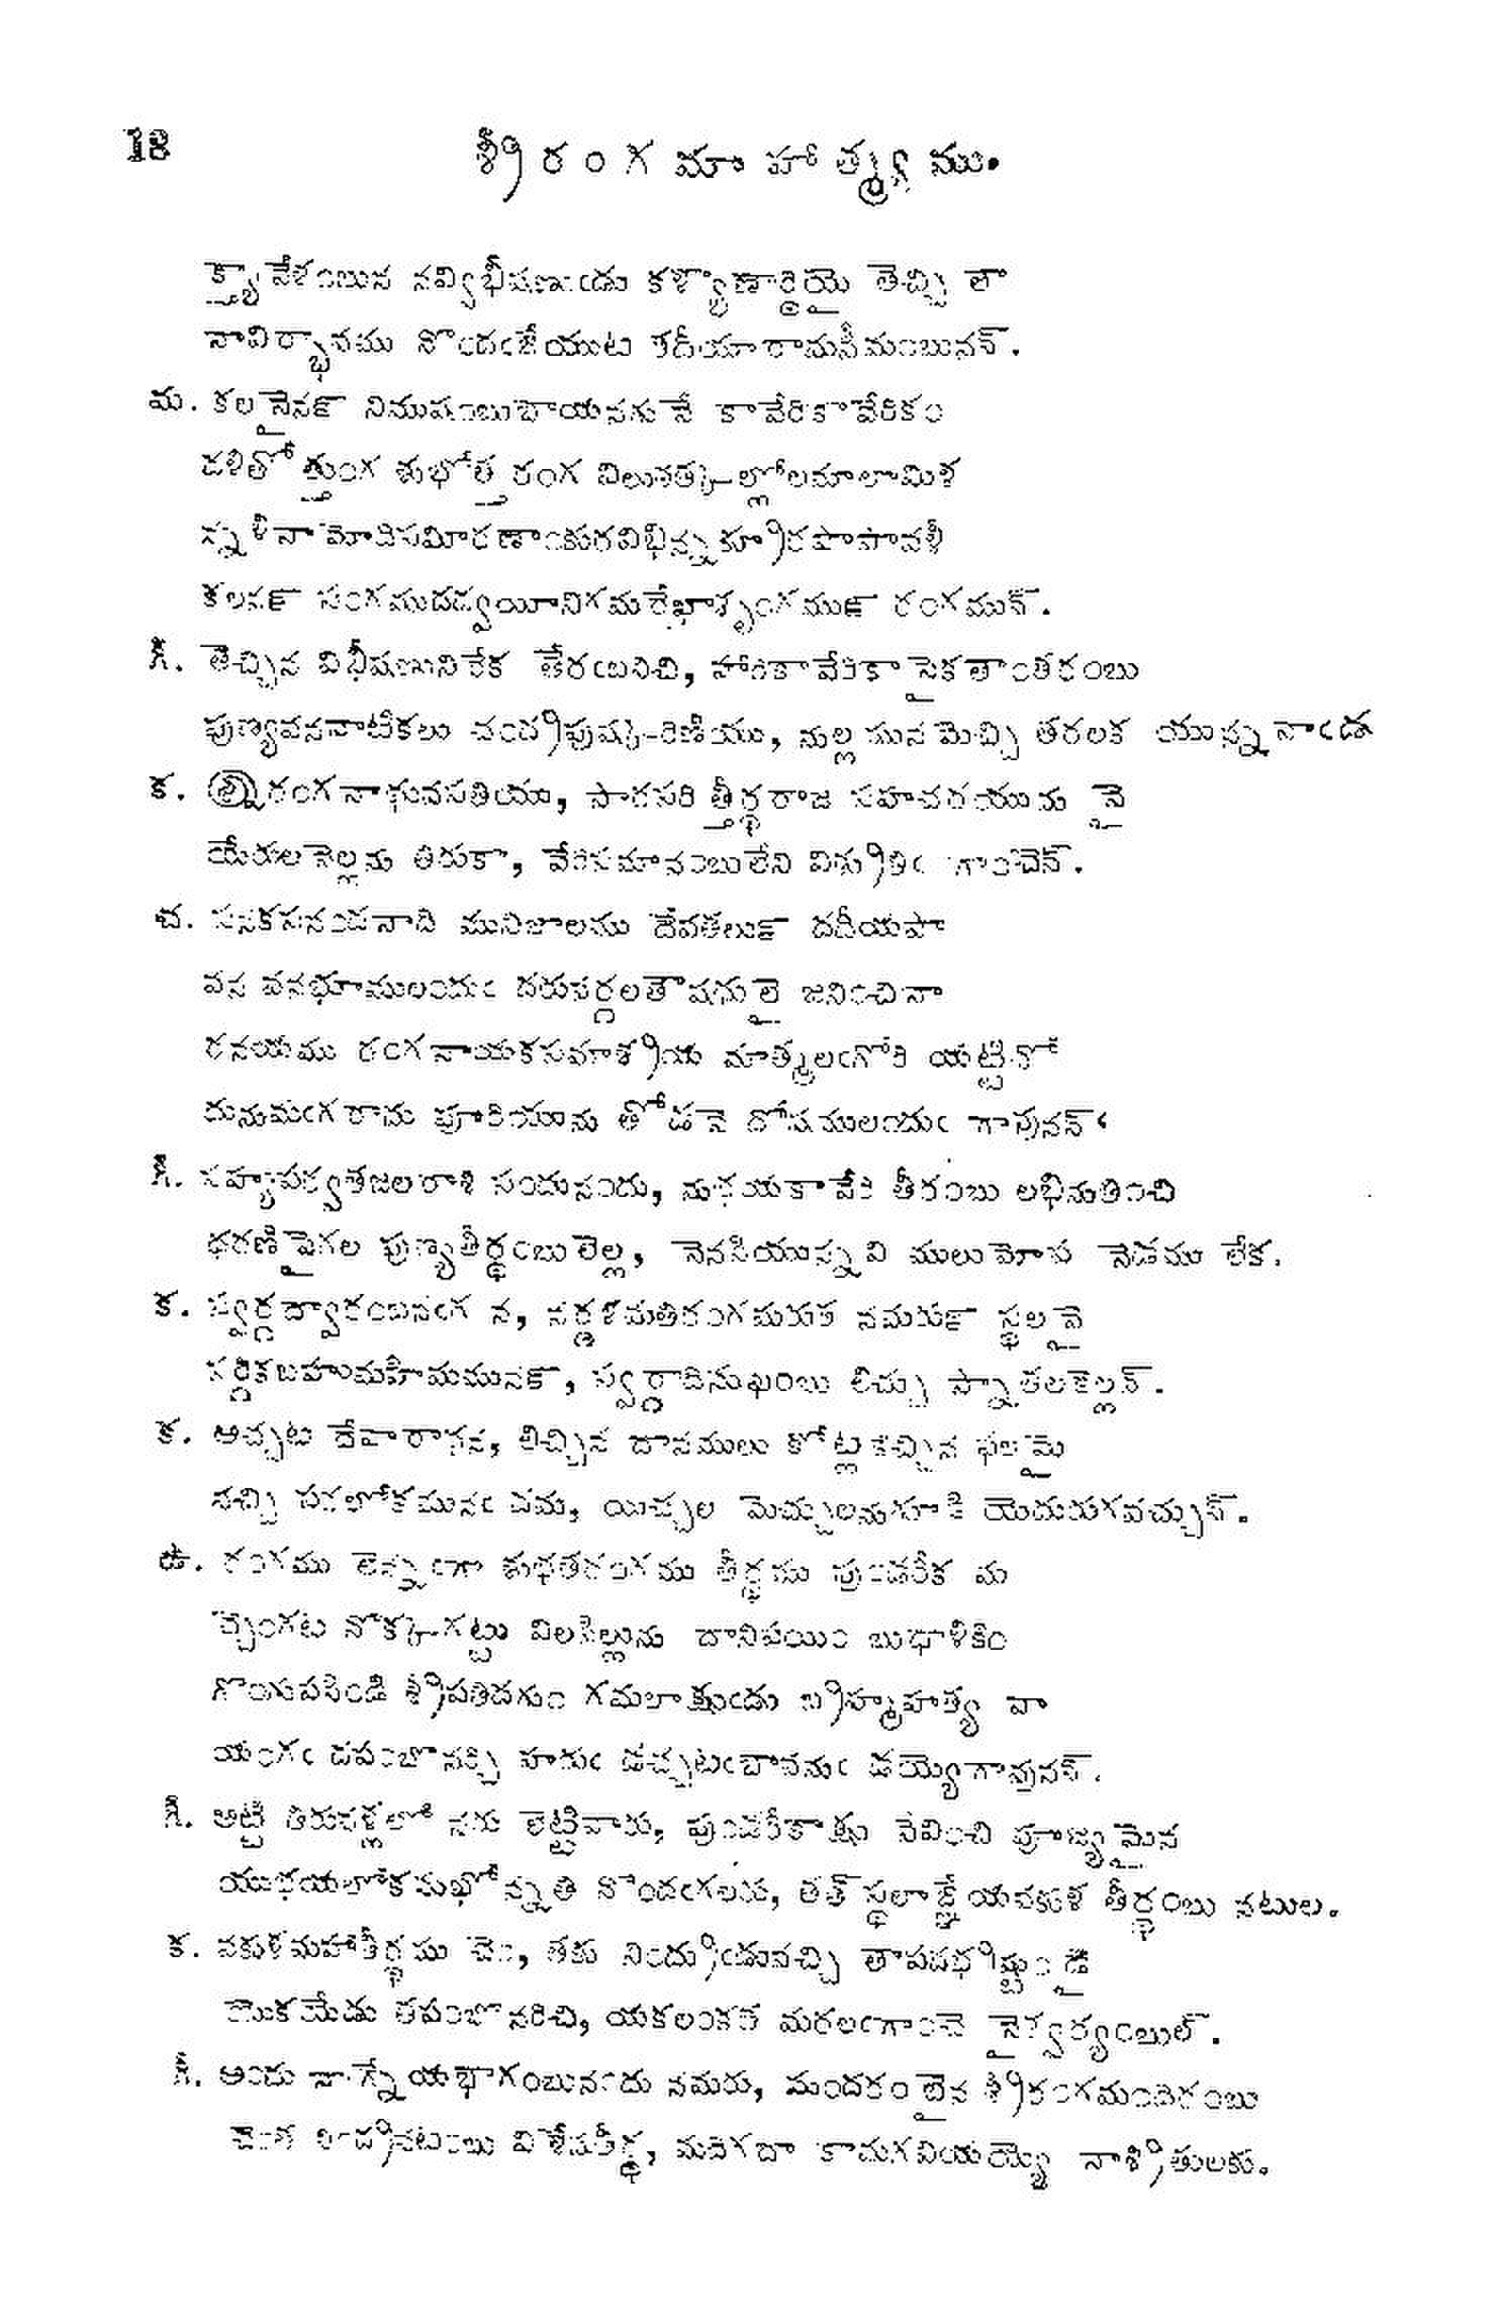క్త్యావేశంబున నవ్విభీషణుడు కళ్యాణార్థియై తెచ్చి తా
 నావిర్భావము నొందఁజేయుట తదీయారాసీమంబునన్.
మ. కలనైనన్ నిముషంబు బాయనగునే కావేరికావేరికల
 దళితోత్తుంగ శుభోత్తరంగ విలుఠత్కల్లోలమాలామిళ
 న్నళినామోదిసమీరణాంకురవిభిన్నక్రూరపాపావళీ
 కలనన్ సంగముద్వయీనిగమరేఖాశృంగమున్ రంగమున్.
గీ. తెచ్చిన విభీషణునిరేక తేరఁబనిచి, హారికావేరికాసైకతాంతరంబు
 పుణ్యవననాటికలు చంద్రపుష్కరిణియు, నుల్లమున మెచ్చి తరలక యున్ననాఁడు
క. శ్రీరంగనాథువసతియు, సారసరిత్తీర్థరాజసహచరయును నై
 యేరులనెల్లను తిరుకా, వేరిసమానంబులేని విశ్రుతి గాంచెన్.
చ. సనకసనందనాది మునిజాలము దేవతలున్ దదీయపా
 వన వనభూములందుఁ దరుసర్గలతౌషధులై జనించినా
 రనయము రంగనాయకసమాశ్రయ మాత్మలఁగోరి యట్టిచో
 దునుమఁగ రాదు పూరియును తోడనె దోషములందుఁ గావునన్.
గీ. సహ్యపర్వతజలరాశి సందునందు, నుభయకావేరి తీరంబు లభినుతించి
 ధరణిపైగల పుణ్యతీర్థంబులెల్ల, నెనసియున్నవి ములుమోప నెడము లేక.
క. స్వర్గద్వారంబనఁగ న, నర్గళమతిరంగమరుత నమరున్ స్థలనై
 సర్గికబహుమహిమమునన్, స్వర్గాదిసుఖంబు లిచ్చు స్నాతలకెల్లన్.
క. అచ్చట దేవారాధన, లిచ్చిన దానములు కోట్లకిచ్చిన ఫలమై
 వచ్చి పరలోకమునఁ దమ, యిచ్చల మెచ్చులనుగూడి యెదురుగవచ్చున్.
ఉ. రంగము లెన్నఁగా శుభతరంగము తీర్థము పుండరీక మ
 చ్చెంగట నొక్కగట్టు విలసిల్లును దానిపయిం బుధాళికిం
 గొంగుపసిండి శ్రీపతిదగుం గమలాక్షుఁడు బ్రహ్మహత్య వా
 యంగఁ దపంబొనర్చి హరుఁ డిచ్చటఁ బావనుఁ డయ్యె గావునన్.
గీ. అట్టి తిరువళ్లలో నరు లెట్టివారు, పుండరీకాక్షు సేవించి పూజ్యమైన
 యుభయలోకసుఖోన్నతి నొందఁగలరు, తత్స్థలాజ్ఞేయవకుళతీర్థంబు నటుల.
క. వకుళమహాతీర్థముచెం, తకు నింద్రుఁడు వచ్చి తా పదభ్రష్టుండై
 యొకయేడు తపంబొనరిచి, యకలంకత మరలఁగాంచె నైశ్వర్యంబుల్.
గీ. అందు నాగ్నేయభాగంబునందు నమరు, మందరం బైన శ్రీరంగమందిరంబు
 చెంత నింద్రవటంబు విశేషతీర్థ, మదిగదా కామగవియయ్యె నాశ్రితులకు.